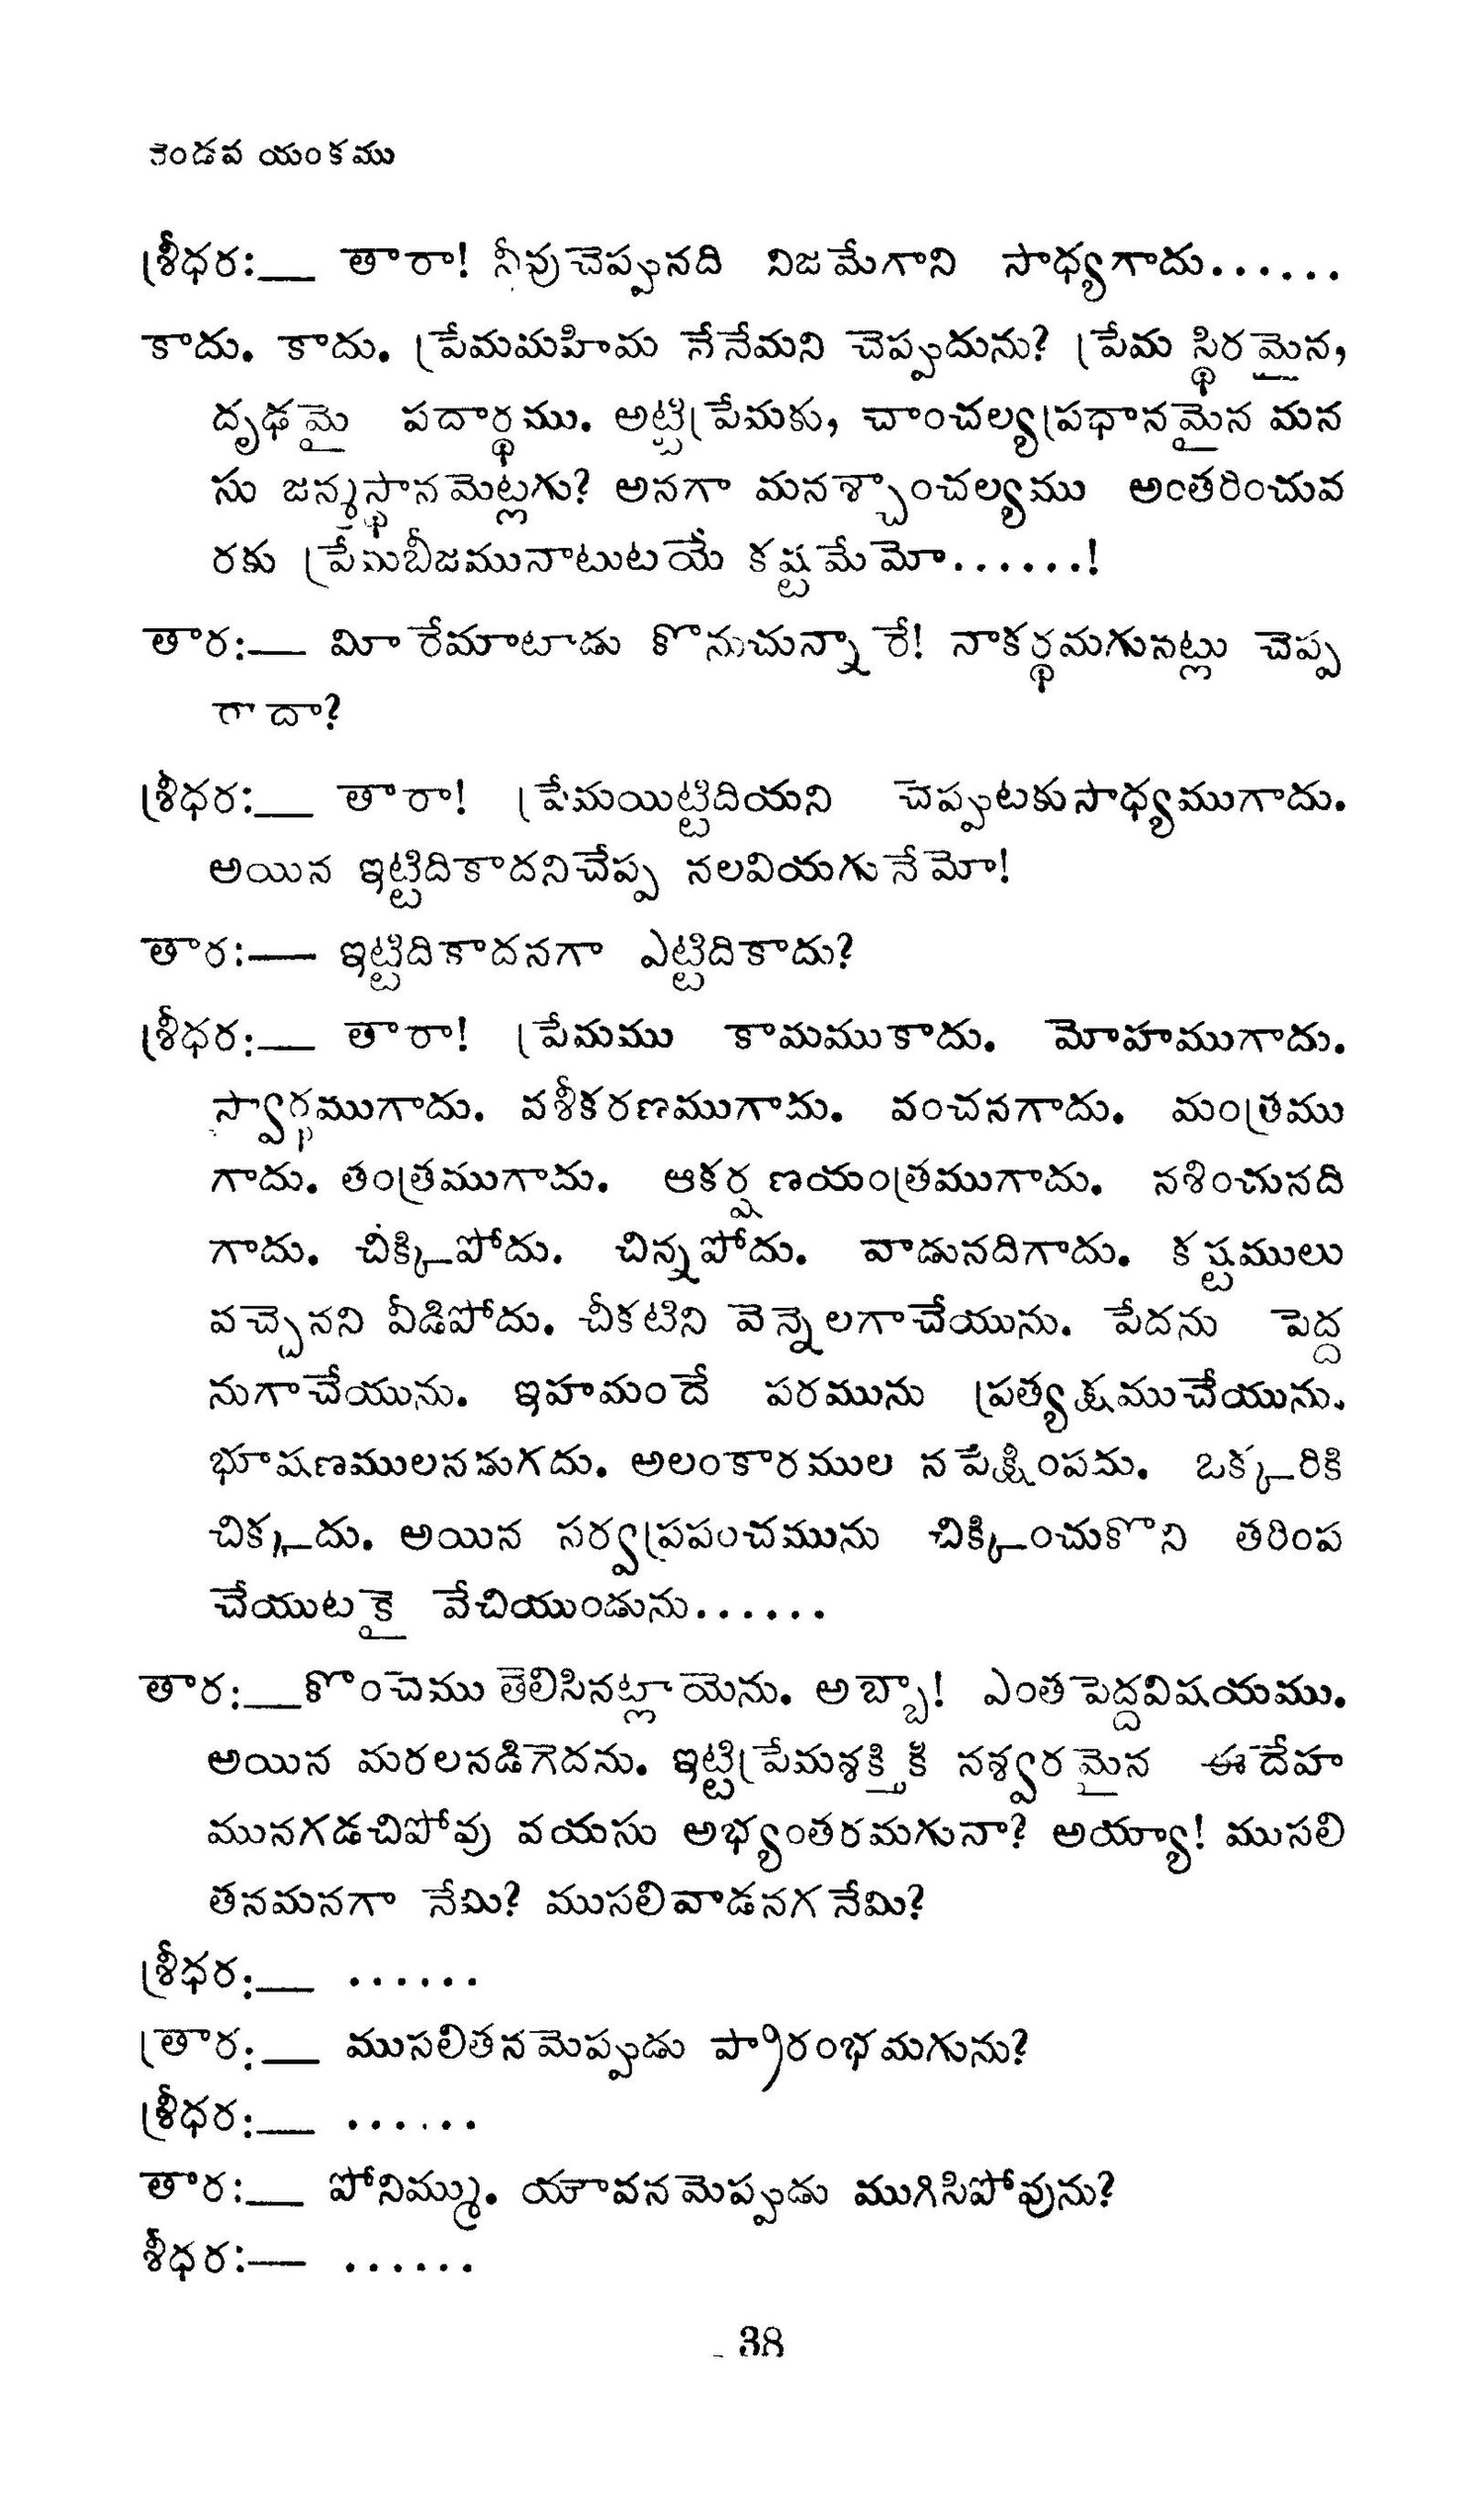శ్రీధర:- తారా! నీవు చెప్పునది నిజమేగాని సాధ్య గాదు. . . .
కాదు. కాదు. ప్రేమ మహిమ నేనేమని చెప్పుదును? (పేమ స్థిరమైన,
దృఢమై పదార్థము. అట్టి ప్రేమకు, చాంచల్య ప్రధానమైన మన
సు జన్మస్థాన మెట్లగు? అనగా మన శ్చాంచల్యము అంతరించువ
రకు ప్రేమబీజము నాటుటయే కష్టమేమో......!

తార:- మీరేమాటాడు కొనుచున్నారే! నాకర్థనుగునట్లు చెప్ప
రాదా?

శ్రీధర:- తారా! ప్రేమయిట్టిదియని చెప్పుటకు సాధ్యముగాదు.
అయిన ఇట్టిది కాదని చెప్ప నలవియగునేమో!

తార:- ఇట్టిది కాదనగా ఎట్టిది కాదు?

శ్రీధర:- తారా! ప్రేమము కామము కాదు. మోహముగాదు.
స్వాగముగాదు. వశీకరణముగాదు. వంచనగాదు. మంత్రము
గాదు. తంత్రముగాదు. ఆకర్షణ యంత్రముగాదు. నశించునది
గాదు. చిక్కిపోదు. చిన్న పోదు. వాడునది గాదు. కష్టములు
వచ్చెనని వీడిపోదు. చీకటిని వెన్నెలగా చేయును. పేదను పెద్ద
నుగా చేయును. ఇహమందే పరమును ప్రత్యక్షము చేయును.
భూషణముల నడుగదు. అలంకారములన పేక్షింపదు. ఒక్కరికి
చిక్కదు. అయిన సర్వప్రపంచమును చిక్కించుకొని తరింప
చేయుటకై వేచియుండును......

తార: _కొంచెము తెలిసినట్లాయెను. అబ్బా! ఎంత పెద్ద విషయము.
అయిన మరలనడి గెదను. ఇట్టి ప్రేమశక్తి కి నశ్వర మైన ఈ దేహ
మునగడచిపోవు వయసు అభ్యంతరమగునా? అయ్యా! ముసలి
తనమనగా నేమి? ముసలివాడనగ నేమి?

శ్రీధర:-.............

తార:- ముసలితన మెప్పుడు ప్రారంభ మగును?

శ్రీధర:..............

తార: పోనిమ్ము. యావన మెప్పుడు ముగిసిపోవును?

శ్రీధర: - ..............